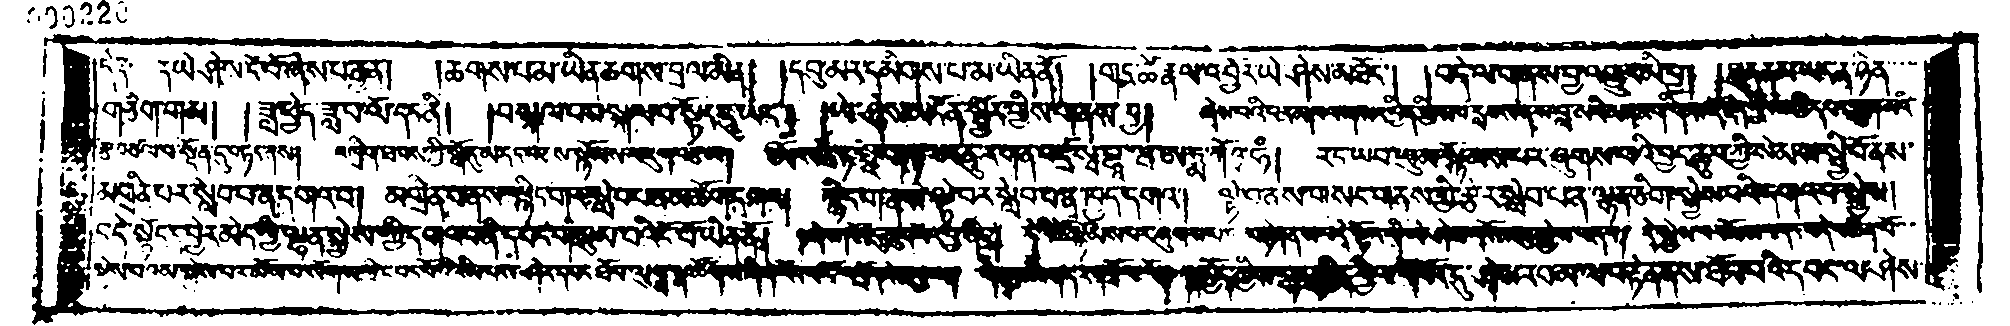འདི་ཡང་དག་པ་ཡིན། །དེ་བས་འཁོར་བར་སྦྱོར་བྲལ་ནི། །ཁྱོད་ཀྱིས་ནམ་ཡང་མ་བྱེད་ཅིག །འདི་དེ་སངས་རྒྱས་ཐམས་ཅད་ཀྱི། །རིག་མའི་བརྟུལ་ཞུགས་བླ་ན་མེད། །རྨོངས་པ་གང་ཞིག་འདའ་བྱེད་པ། །དེ་ལ་
མཆོག་གི་དངོས་གྲུབ་མེད། །ཅེས་གསུངས་ཤིང་ཤེར་རབ་མ་གཏད་པས། རིག་མ་དེས་ཀྱང་ཙན་དན་དང་གུར་གུམ་ལ་སོགས་པས་བྱུགས་ཤིང་། ཤིན་ཏུ་དྲི་ཞིམ་པོའི་མེ་ཏོག་གི་ཕྲེང་བས་བརྒྱན་ཏེ་གོས་མེད་པར་
པདམ་རབ་ཏུ་རྒྱས་བ་གསལ་བར་སྟོན་ཅིང་། དྲི་ཆེན་དྲི་ཆུ་བཟའ་བ་དང་། །ཁྲག་དང་ཁུ་བ་དེ་བཞིན་ཤ། །བུད་མེད་གུས་མཆོག་དེ་བཞིན་དུ། །བྷ་ག་པདམར་ཙུ་མྦ་ནཾ། །བུ་ཁྱོད་སྤྲོ་བ་ཡིན་ནམ་ཅི། །ཇི་ལྟར་བདེ་བར་
བུས་སྨྲོས་ཤིག །ཅེས་དྲི་བ་ལ། དྲི་ཆེན་དྲི་ཆུ་སོགས་བཟའ་བ། །ལྷ་མོ་ཅི་ཕྱིར་བདག་མི་སྤྲོ། །བུད་མེད་རྣམས་ལ་རྟག་གུས་བྱ། །བྷ་ག་ཉིད་ལས་ཙུམྦ་ནཾ། །ཞེས་བརྗོད་པས། ལྷ་མོ་དེ་དགྱེས་ནས།  ཨེ་མ་བདག་གི་
པདམ་འདི། །བདེ་བ་ཀུན་དང་ཡང་དག་ལྡན། །གང་ཞིག་ཆོ་གས་སྟེན་བྱེད་པ། །དེ་ཡི་མདུན་ན་བདག་གནས་སོ། །སངས་རྒྱས་མཉེས་པ་ལ་སོགས་པ། །པདམ་བྱ་བ་ཇི་བཞིན་གྱིས། །བདེ་ཆེན་རྒྱལ་པོ་རང་ཉིད་ནི། །
འདི་ཉིད་དུ་ནི་རྟག་ཏུ་བཞུགས། །བྷུ་ཛ་མོ་ཀཥ་ཧོཿ ཞེས་གསུངས་པར་གྱུར་བར་བསམས་ནས།  རང་ཉིད་ཧཱུཾ་ལས་རྡོ་རྗེ་ཧཱུཾ་གིས་མཚན་པ་ཡོངས་སུ་གྱུར་བ་ལས་དཔལ་རྡོ་རྗེ་འཇིགས་བྱེད་ཞལ་དགུ་ཕྱག་སོ་བཞི་ཞབས་བཅུ་